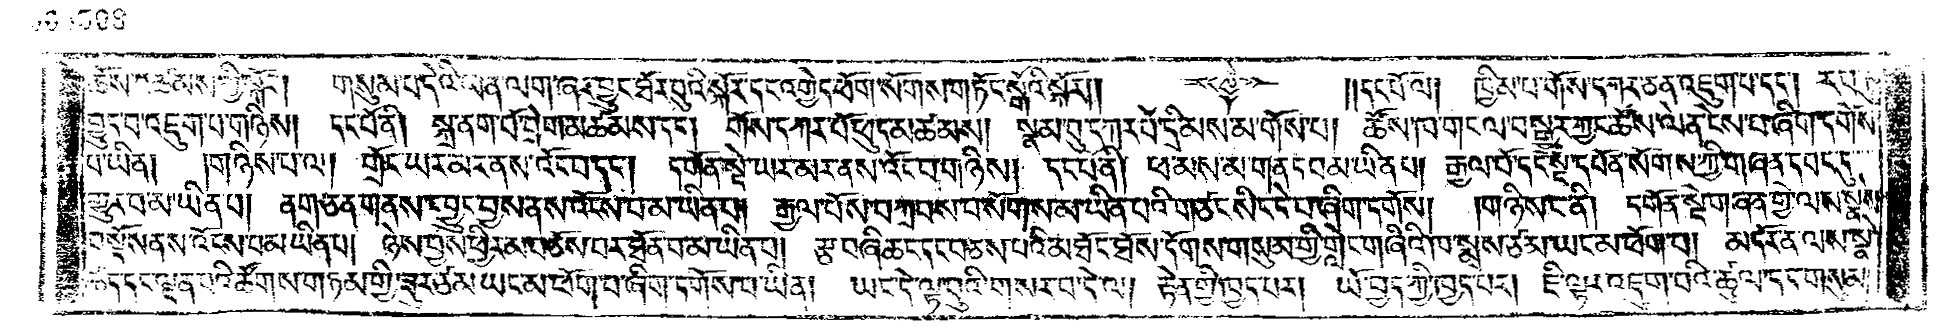ཆོས་འཚམས་ཀྱི་སྐོར། གསུམ་པ་དེའི་ཡན་ལག་ཞར་བྱུང་ཐོར་བུའི་སྐོར་དང་འགྱེད་ཕོག་སོགས་གཏོང་སྒོའི་སྐོར།། ༈ །།དང་པོ་ལ། ཁྱིམ་པ་གོས་དཀར་ཅན་འཇུག་པ་དང་། རབ་ཏུ་
བྱུང་བ་འཇུག་པ་གཉིས། དང་པོ་ནི། སྐྲ་ནག་པོ་བྲེག་མཚམས་དང་། གོས་དཀར་པོ་ཕུང་མཚམས། སྣམ་བུ་དཀར་པོ་དྲི་མས་མ་གོས་པ། ཚོས་ཁ་གང་ལ་བསྒྱུར་ཀྱང་ཚོས་ལེན་ངེས་པ་ཞིག་དགོས་
པ་ཡིན། །གཉིས་པ་ལ། གྲོང་ཡར་མར་ནས་འོང་པ་དང་། དགོན་སྡེ་ཡར་མར་ནས་འོང་བ་གཉིས། དང་པོ་ནི། ཕ་མས་མ་གནང་བ་མ་ཡིན་པ། རྒྱལ་པོ་དང་སྡེ་དཔོན་སོགས་ཀྱི་གཞན་དབང་དུ་
གྱུར་བ་མ་ཡིན་པ། ནག་ཅན་གནས་དབྱུང་བྱས་ནས་འོངས་པ་མ་ཡིན་པ། རྒྱལ་པོས་བཀྲབས་པ་སོགས་མ་ཡིན་པའི་གཙང་སིང་ངེ་བ་ཞིག་དགོས། །གཉིས་པ་ནི། དགོན་སྡེ་གཞན་གྱི་ལས་སྣེས་
བསྡོས་ནས་འོངས་པ་མ་ཡིན་པ། ཉེས་བྱས་ཕྱིར་མ་བཅོས་པར་ཐོན་པ་མ་ཡིན་པ། རྩ་བཞི་ཆང་དང་བཅས་པའི་མཐོང་ཐོས་དོགས་གསུམ་གྱི་གླེང་གཞིའི་ཁ་སྨྲས་ཙམ་ཡང་མ་ཕོག་པ། མདོར་ན་ལས་སྣེ་
ཚད་དང་ལྡན་པའི་ཚོགས་གཏམ་གྱི་ཟུར་ཙམ་ཡང་མ་ཕོག་པ་ཞིག་དགོས་པ་ཡིན། ཡང་དེ་ལྟ་བུའི་གསར་བ་དེ་ལ། རྟེན་གྱི་ཁྱད་པར། ཡོ་བྱད་ཀྱི་ཁྱད་པར། ཇི་ལྟར་འཇུག་པའི་ཚུལ་དང་གསུམ།